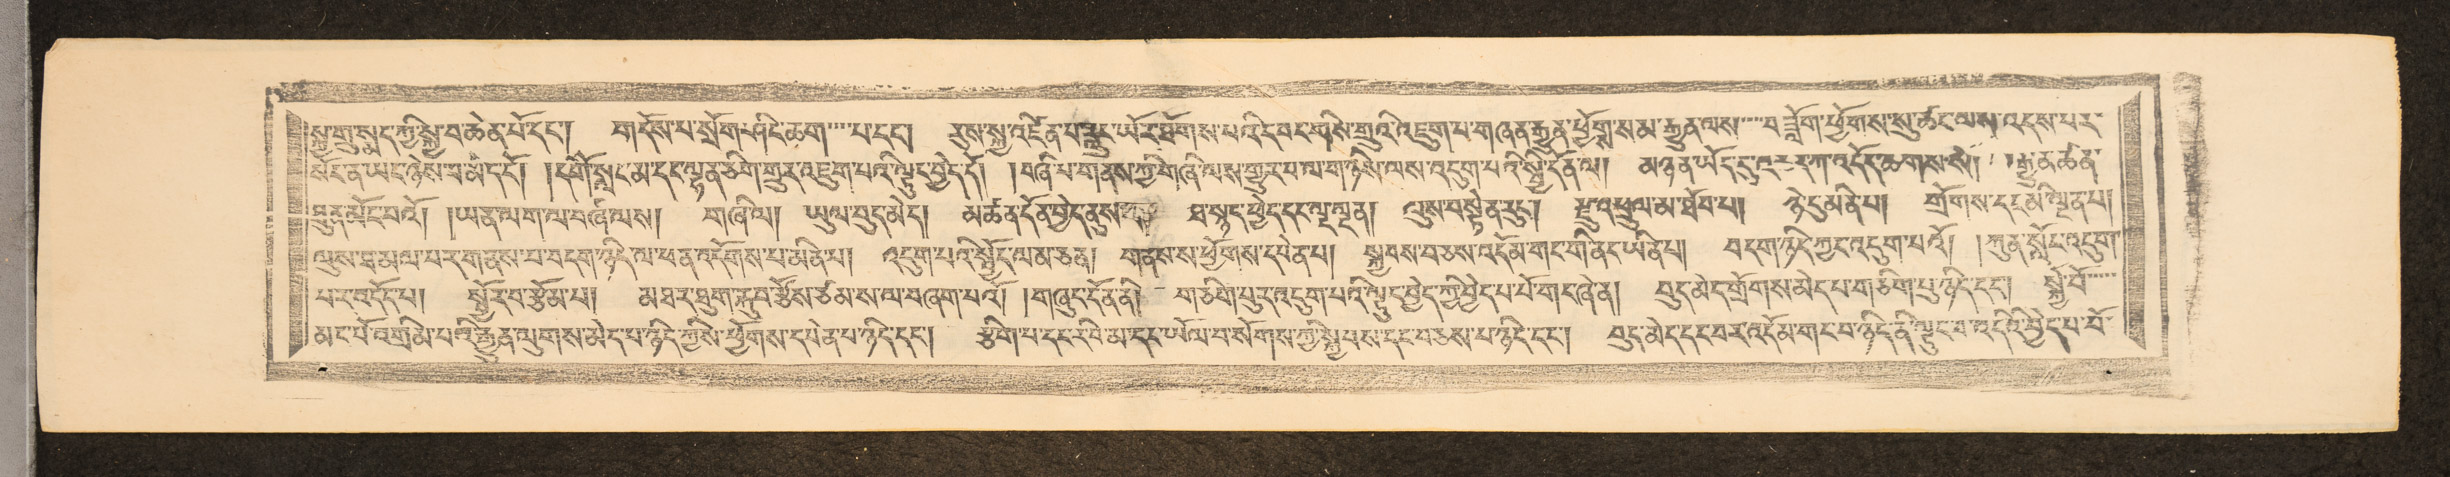སྐྱ་གྲུ་སྨད་ཀྱི་སྐྱ་བ་ཆེན་པོ་དང་། གདོས་པ་སྲོག་ཤིང་ཆག་པ་དང་། རུས་སྐྱ་འཛིན་པ་རླུང་ཡོར་ཐོགས་པའི་དབང་གིས་གྲུའི་འཇུག་པ་གཞན་རྒྱུན་ཕྱོགས་སམ་རྒྱུན་ལས་བཟློག་ཕྱོགས་སུ་ཚད་ལས་འདས་པར་
སོང་ན་ཡང་ཉེས་པ་མེད་དོ། །དགེ་སློང་མ་དང་ལྷན་ཅིག་གྲུར་འཇུག་པའི་ལྟུང་བྱེད་དོ། །བཞི་པ་གནས་ཀྱི་གཞི་ལས་གྱུར་བ་ལ་གཉིས་ལས་འདུག་པའི་སྤྱི་དོན་ལ། མཉན་ཡོད་དུ་འཆར་ཀ་འདོད་ཆགས་སོ། །རྒྱུ་མཚན་
ཐུན་མོང་བའོ། །ཡན་ལག་ལ་བཞི་ལས། གཞི་ལ། ཡུལ་བུད་མེད། མཚན་དོན་བྱེད་ནུས་པ། ཐ་སྙད་ཕྱེད་དང་ལྔ་ལྡན། ལུས་བསྟེན་རུང་། རྫུ་འཕྲུལ་མ་ཐོབ་པ། ཉེ་དུ་མིན་པ། གྲོགས་དང་མི་ལྡན་པ།
ལུས་ཐ་མལ་པར་གནས་པ་བདག་ཉིད་ལ་ཕན་འདོགས་པ་མིན་པ། འདུག་པའི་སྤྱོད་ལམ་ཅན། གནས་ས་ཕྱོགས་དབེན་པ། སྐྱབས་བཅས་འདོམ་གང་གི་ནང་ཡིན་པ། བདག་ཉིད་ཀྱང་འདུག་པའོ། །ཀུན་སློང་འདུག་
པར་འདོད་པ། སྦྱོར་བ་རྩོམ་པ། མཐར་ཐུག་རྐུབ་རྩོས་ཙམ་ས་ལ་བཞག་པའོ། །གཞུང་དོན་ནི། གཅིག་པུར་འདུག་པའི་ལྟུང་བྱེད་ཀྱི་བྱེད་པ་པོ་གང་ཞེ་ན། བུད་མེད་གྲོགས་མེད་པ་གཅིག་བུ་ཉིད་དང་། སྐྱེ་བོ་
མང་པོ་འགྲིམ་པའི་རྒྱུན་ལུགས་མེད་པ་ཉིད་ཀྱིས་ཕྱོགས་དབེན་པ་ཉིད་དང་། རྩིག་པ་དང་རིབ་མ་དང་ཡོལ་བ་སོགས་ཀྱི་སྐྱབས་དང་བཅས་པ་ཉིད་དང་། བུད་མེད་དང་བར་འདོམ་གང་བ་ཉིད་ནི་ལྟུང་བ་འདིའི་བྱེད་པ་པོ་